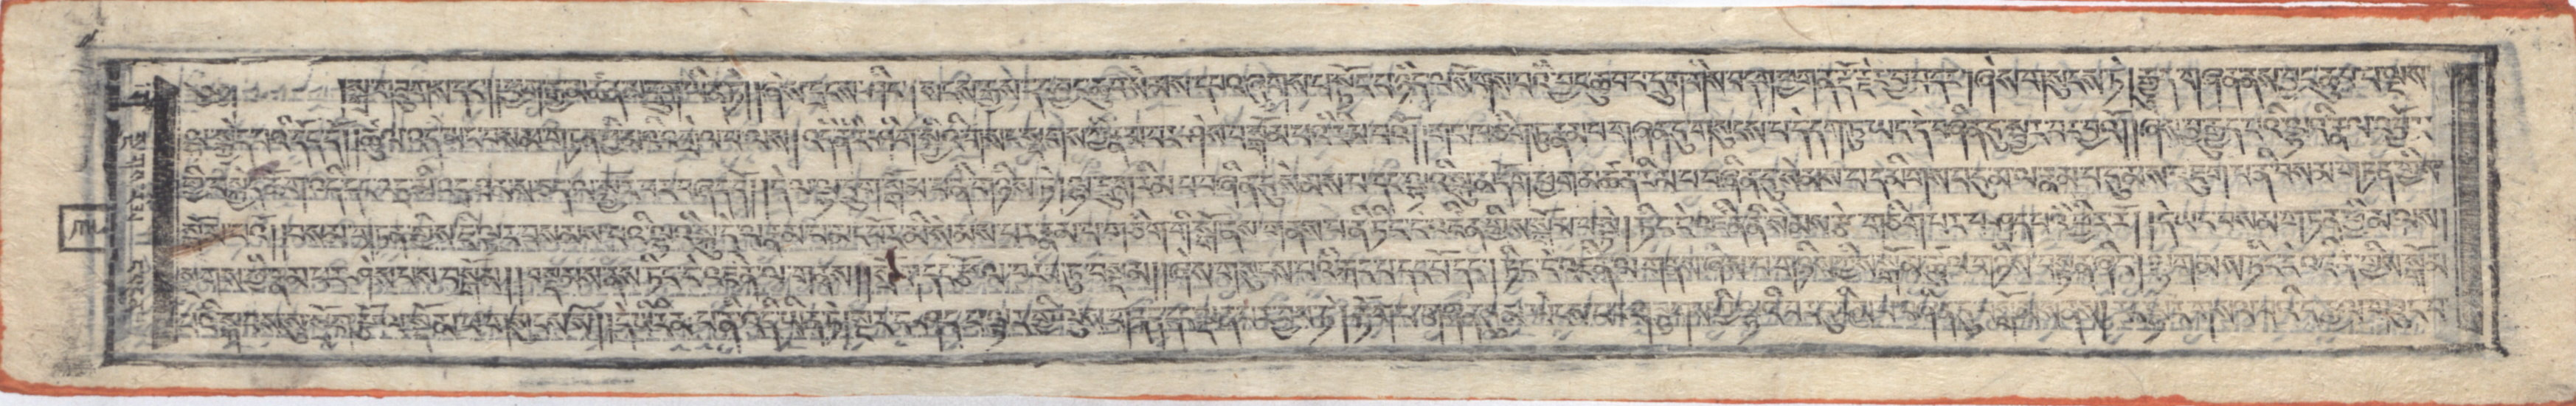༄༅། །སྒྲ་གཟུགས་དང་། །ཕྱག་རྒྱ་མཚན་མ་དྲུག་ཡིན་ཏེ། །ཞེས་དྲངས་ཤིང་། སངས་རྒྱས་དང་བྱང་ཆུབ་སེམས་དཔའ་ཞུགས་པ་སྟོང་པ་ཉིད་ལ་སོགས་པའི་བྱང་ཆུབ་པ་དྲུག་གིས་བདག་ཕྱག་ན་རྡོ་རྗེར་བྱ་བ་དང་། ཞེས་གསུངས་ཏེ། རྒྱུད་གཞན་ནས་བྱང་ཆུབ་པ་ལྔས་
ལྷ་སྐྱེད་པའི་དོད་དོ། །ཚུལ་འདི་ཡང་བསམ་གཏན་ཕྱི་མའི་འགྲེལ་པ་ལས། འདི་ནི་རི་ཤིག་སྤྱིའི་གསང་སྔགས་ཀྱི་རྣམ་པར་ཤེས་བསྒོམ་པའི་རིམ་པའོ། །གང་ཁ་ཅིག་ཏུ་རྣམ་པ་གཞན་དུ་གསུངས་པ་དེ་དག་ཏུ་ཡང་དེ་བཞིན་དུ་སྦྱར་བར་བྱའོ། །ཞེས་བྱ་རྒྱུད་པའི་ལྷའི་རྣལ་འབྱོར་
གྱི་བསྐྱེད་ཆོག་འདི་དང་འདྲ་མི་འདྲ་ཐམས་ཅད་ལ་སྦྱོར་བར་བཞེད་དོ། །དེ་ལ་ལྷ་དྲུག་སྒོམ་པ་ནི་གཉིས་ཏེ། ལྷ་དྲུག་རིམ་པ་བཞིན་དུ་སེམས་པ་དང་ལྷའི་སྐུ་མདོག་ཕྱག་མཚན་རིམ་པ་བཞིན་དུ་སེམས་པ་དམིགས་པ་དུ་མ་ལ་རྣམ་པ་དུ་མས་འཇུག་པ་ནི་བསམ་གཏན་གྱིས་
སྒོམ་པའོ། །བསམ་གཏན་གྱིས་ཇི་ལྟར་བསམས་པའི་ལྷའི་སྐུ་དེ་ལ་རྣམ་པ་མང་པོར་མི་སེམས་པར་རྣམ་པ་གཅིག་གི་སྒོ་ནས་གནས་པ་ནི་ཏིང་ངེ་འཛིན་གྱིས་སྒོམ་པ་སྟེ། ཏིང་ངེ་འཛིན་ནི་སེམས་རྩེ་གཅིག་པར་བཤད་པའི་ཕྱིར་རོ། །དེ་ཡང་བསམ་གཏན་ཕྱི་མ་ལས།
སྔགས་ཀྱི་རྣམ་པར་ཤེས་པས་བསྒོམ། །བསྡམས་ནས་ཏིང་ངེ་འཛིན་ལ་གནས། །སྲོག་དང་རྩོལ་བ་རབ་ཏུ་བསྡམ། །ཞེས་གསུངས་པའི་རྐང་པ་དང་པོ་དང་། ཏིང་ངེ་འཛིན་ལ་གནས་ཞེས་པ་གཉིས་ཀྱིས་སྒོམ་ཚུལ་གཉིས་བསྟན་ཞིང་། ལྷག་མས་ཏིང་ངེ་འཛིན་གྱིས་སྒོམ་
པའི་སྐབས་སུ་སྲོག་རྩོལ་སྡོམ་པ་གསུངས་སོ། །དེ་ཡི་རིམ་པ་ནི་འདི་ཡིན་ཏེ། སྔར་བཤད་པ་ལྟར་གྱི་ལུས་གནད་དང་ལྡན་པར་བྱས་ཏེ། རྟོག་པ་གཞན་དུ་མ་ཡེངས་པར་གཟུགས་ཀྱི་ལྷའི་བར་དུ་རིམ་པ་བཞིན་དུ་བསྒོམས་ནས། རང་ལྷར་གསལ་བའི་ང་རྒྱལ་གཟུང་བ་